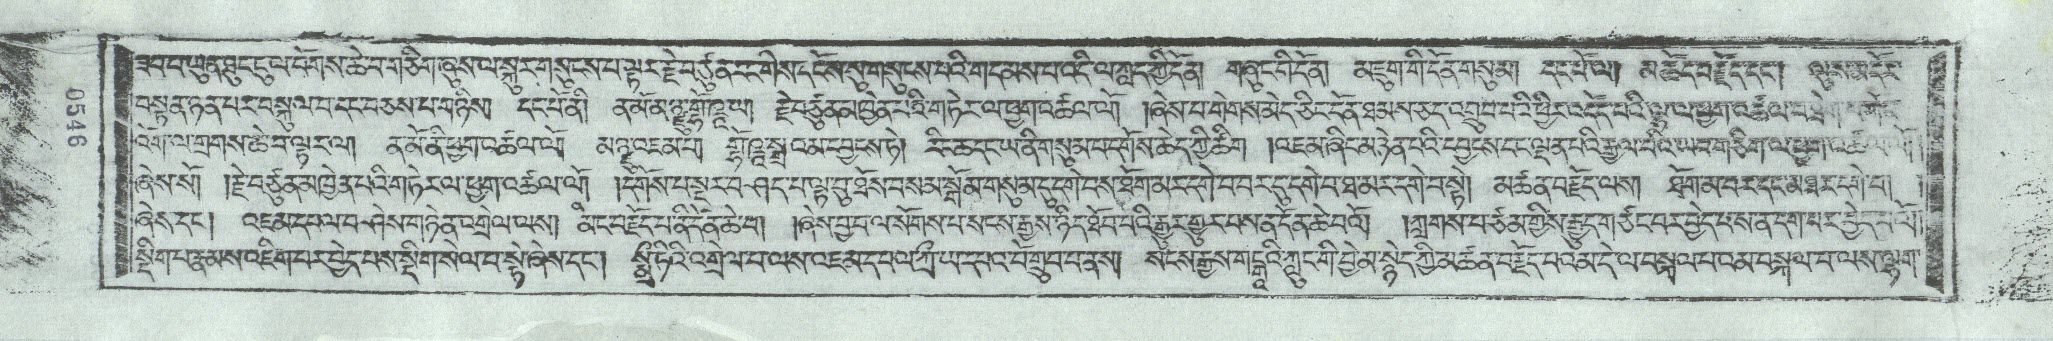ཟབ་པ་ཡུན་ཐུང་ངུ་ལ་བོགས་ཆེ་བ་གཅིག་ཞུས་ལ་སྐུར་གསུངས་པ་ལྟར་རྗེ་བཙུན་རང་གིས་དངོས་སུ་གསུངས་པའི་གདམས་པ་འདི་ལ་ཀླད་ཀྱི་དོན། གཞུང་གི་དོན། མཇུག་གི་དོན་གསུམ། དང་པོ་ལ། མཆོད་བརྗོད་དང་། ལུས་མདོར་
བསྟན་ཉན་པར་བསྐུལ་བ་དང་བཅས་པ་གཉིས། དང་པོ་ནི། ན་མོ་མཉྫུ་གྷོ་ཥཱ་ཡ། རྗེ་བཙུན་མཁྱེན་པའི་གཏེར་ལ་ཕྱག་འཚལ་ལོ། །ཞེས་པ་གེགས་མེད་ཅིང་དོན་ཐམས་ཅད་འགྲུབ་པའི་ཕྱིར་འདོད་པའི་ལྷ་ལ་ཕྱག་འཚལ་བ་ཐེག་པ་གོང་
འོག་ལ་གྲགས་ཆེ་བ་ལྟར་ལ། ན་མོ་ནི་ཕྱག་འཚལ་ལོ། མཉྫུ་འཇམ་པ། གྷོ་ཥཱ་སྒྲའམ་དབྱངས་ཏེ། རིང་ཆ་དང་ཡ་ནི་གསུམ་པ་དགོས་ཆེད་ཀྱི་ཚིག །འཇམ་ཞིང་མཉེན་པའི་དབྱངས་དང་ལྡན་པའི་རྒྱལ་བའི་ཡབ་གཅིག་ལ་ཕྱག་འཚལ་ལོ།།
ཞེས་སོ། །རྗེ་བཙུན་མཁྱེན་པའི་གཏེར་ལ་ཕྱག་འཚལ་ལོ། །དགོས་པ་སྔར་བཤད་པ་ལྟ་བུ་ཐོས་བསམ་སྒོམ་གསུམ་དུ་དགེ་བས་ཐོག་མར་དགེ་བ་བར་དུ་དགེ་བ་ཐ་མར་དགེ་བ་སྟེ། མཚན་བརྗོད་ལས། ཐོག་མ་བར་དང་མཐར་དགེ་བ། །
ཞེས་དང་། འཇམ་དཔལ་བཤེས་གཉེན་འགྲེལ་ལས། མིང་བརྗོད་པ་ནི་དོན་ཆེ་བ། །ཞེས་བྱ་བ་ལ་སོགས་པ་སངས་རྒྱས་ཉིད་ཐོབ་པའི་རྒྱུར་གྱུར་པས་ན་དོན་ཆེ་བའོ། །ཀླགས་པ་ཙམ་གྱིས་རྒྱུད་གཙང་བར་བྱེད་པས་ན་དག་པར་བྱེད་པའོ།།
སྡིག་པ་རྣམས་འཇིག་པར་བྱེད་པས་སྡིག་སེལ་བ་སྟེ་ཞེས་དང་། སྨྲྀ་ཏིའི་འགྲེལ་པ་ལས་འཇམ་དཔལ་ཀྲྀ་ཡ་དཔའ་བོ་གྲུབ་པ་ནས། སངས་རྒྱས་གངྒཱའི་ཀླུང་གི་བྱེ་མ་སྙེད་ཀྱི་མཚན་བརྗོད་པའམ་དེ་ལ་བསྐལ་པའམ་བསྐལ་པ་ལས་ལྷག་